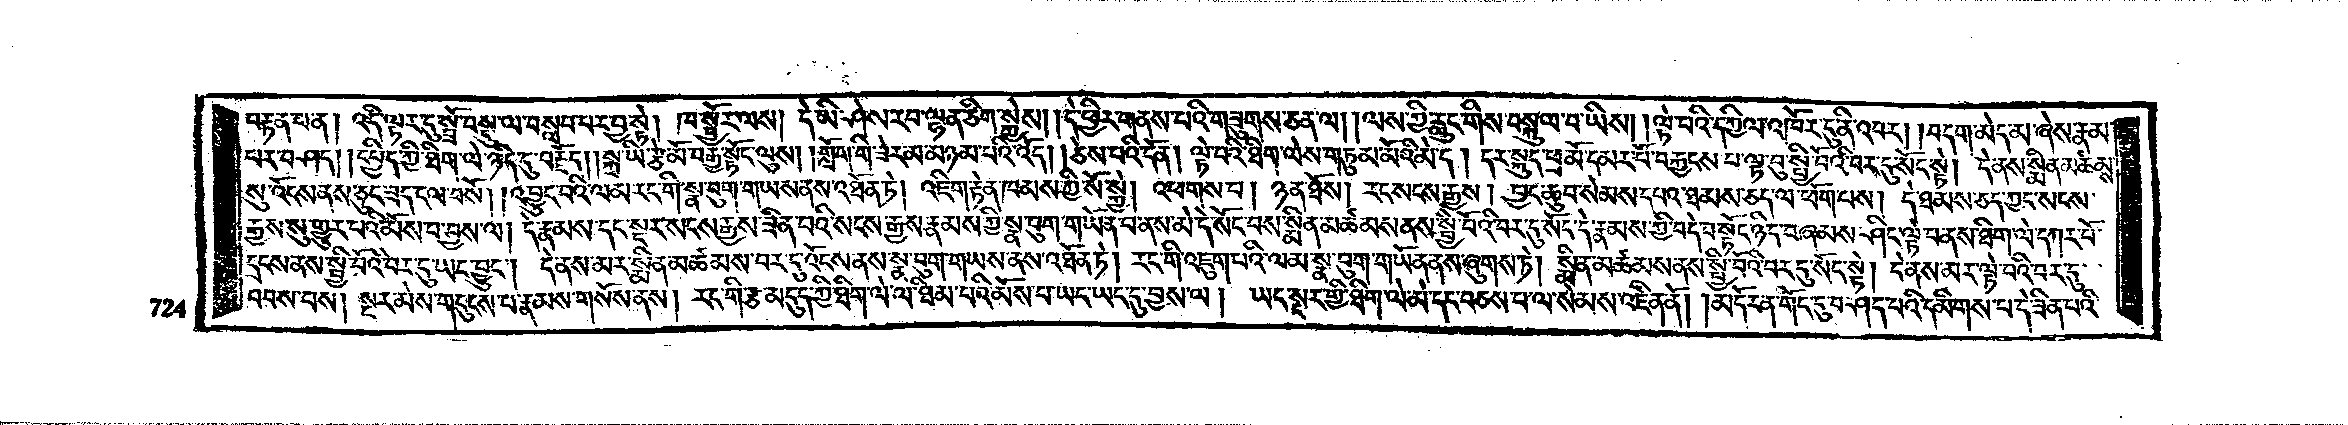བརྟན་པ་ན། འདི་ལྟར་དུ་སྤྲོ་བསྡུ་ལ་བསླབ་པར་བྱ་སྟེ། ཁ་སྦྱོར་ལས། དེ་ཡི་ཤེས་རབ་ལྷན་ཅིག་སྐྱེས། །དེ་ཕྱིར་གནས་པའི་གཟུགས་ཅན་ལ། །ལས་ཀྱི་རླུང་གིས་བསྐུལ་བ་ཡིས། །ལྟེ་བའི་དཀྱིལ་འཁོར་དུ་ནི་འབར། །བདག་མེད་མ་ཞེས་རྣམ་
པར་བཤད། །དཔྱིད་ཀྱི་ཐིག་ལེ་ཉིད་དུ་བརྗོད། །སྐྲ་ཡི་རྩེ་མོ་བརྒྱ་སྟོང་ལུས། །གློག་གི་ཟེར་མ་མཉམ་པའི་འོད། །ཅེས་པའི་དོན། ལྟེ་བའི་ཐིག་ལེས་གཏུམ་མོའི་མེ་དེ། དར་སྐུད་ཕྲ་མོ་དམར་པོ་བརྐྱངས་པ་ལྟ་བུ་སྤྱི་བོའི་བར་དུ་སོང་སྟེ། དེ་ནས་སྨན་མཚམས་
སུ་འོངས་ནས་ཅུང་ཟད་ངལ་བསོ། །འབྱུང་བའི་ལམ་རང་གི་སྣ་བུག་གཡས་ནས་འཐོན་ཏེ། འཇིག་རྟེན་ཁམས་ཀྱི་སོ་སྐྱེ། འཕགས་པ། ཉན་ཐོས། རང་སངས་རྒྱས། བྱང་ཆུབ་སེམས་དཔའ་ཐམས་ཅད་ལ་ཕོག་པས། དེ་ཐམས་ཅད་ཀྱང་སངས་
རྒྱས་སུ་གྱུར་པའི་མོས་པ་བྱས་ལ། དེ་རྣམས་དང་སྔར་སངས་རྒྱས་ཟིན་པའི་སངས་རྒྱས་རྣམས་ཀྱི་སྣ་བུག་གཡོན་པ་ནས་མེ་དེ་སོང་བས་སྨིན་མཚམས་ནས་སྤྱི་བོའི་བར་དུ་སོང་དེ་རྣམས་ཀྱི་བདེ་བ་སྟོང་ཉིད་བཞམས་ཤིང་ལྟེ་བ་ནས་ཐིག་ལེ་དཀར་པོ་
དྲངས་ནས་སྤྱི་བོའི་བར་དུ་ཡང་བྱུང་། དེ་ནས་མར་སྨིན་མཚམས་བར་དུ་འོངས་ནས་སྣ་བུག་གཡས་ནས་འཐོན་ཏེ། རང་གི་འཇུག་པའི་ལམ་སྣ་བུག་གཡོན་ནས་ཞུགས་ཏེ། སྨིན་མཚམས་ནས་སྤྱི་བོའི་བར་དུ་སོང་སྟེ། དེ་ནས་མར་ལྟེ་བའི་བར་དུ་
བབས་པས། སྔར་མེས་གདུངས་པ་རྣམས་གསོས་ནས། རང་གི་རྩ་མདུད་ཀྱི་ཐིག་ལེ་ལ་ཐིམ་པའི་མོས་པ་ཡང་ཡང་དུ་བྱས་ལ། ཡང་སྔར་གྱི་ཐིག་ལེ་མེ་དང་བཅས་པ་ལ་སེམས་འཛིན་ནོ། །མདོར་ན་གོང་དུ་བཤད་པའི་དམིགས་པ་དེ་ཟིན་པའི་